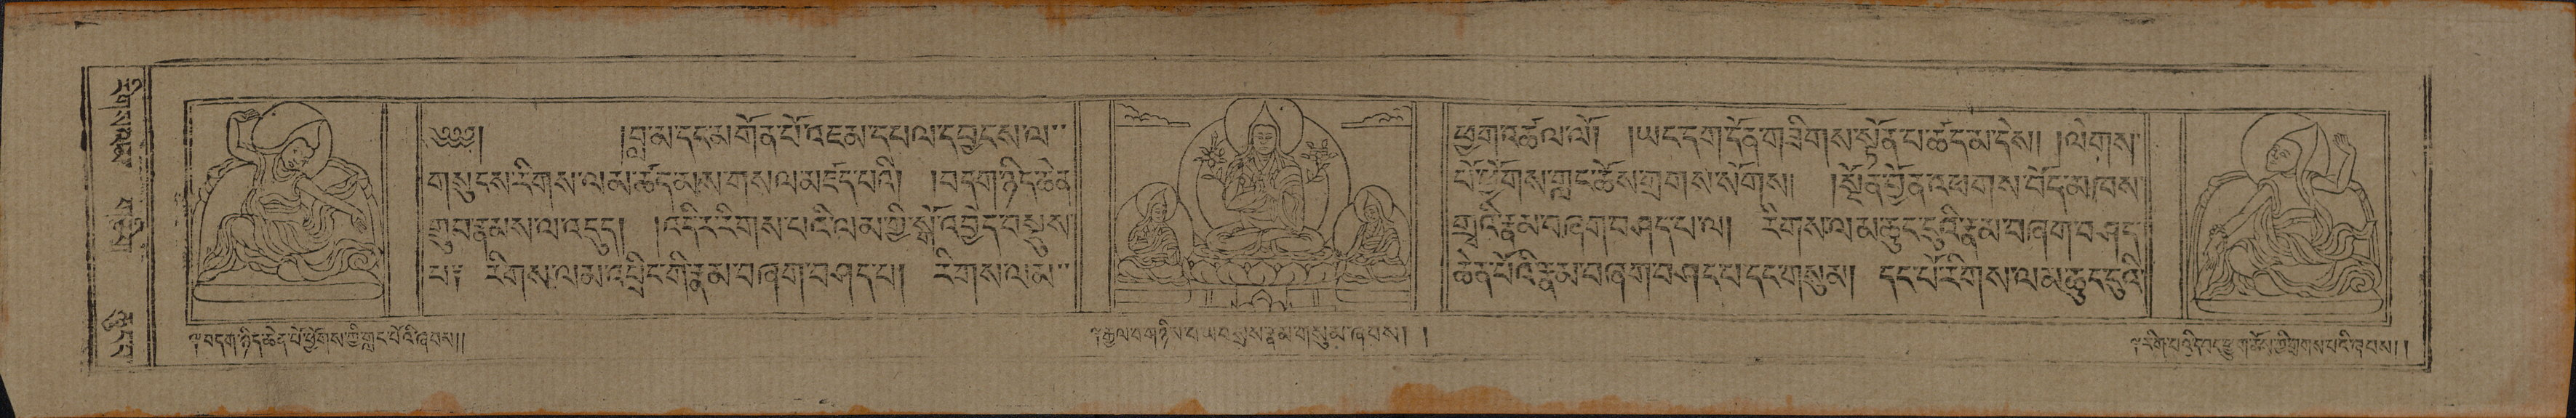༄༅༅། །བླ་མ་དང་མགོན་པོ་འཇམ་དཔལ་དབྱངས་ལ་ཕྱག་འཚལ་ལོ། །ཡང་དག་དོན་གཟིགས་སྟོན་པ་ཚད་མ་དེས། །ལེགས་
གསུངས་རིགས་ལམ་ཚད་མས་གསལ་མཛད་པའི། །བདག་ཉིད་ཆེན་པོ་ཕྱོགས་གླང་ཆོས་གྲགས་སོགས། །སྔོན་བྱོན་འཕགས་བོད་མཁས་
གྲུབ་རྣམས་ལ་འདུད། །འདིར་རིགས་པའི་ལམ་གྱི་སྒོ་འབྱེད་བསྡུས་གྲྭའི་རྣམ་བཞག་བཤད་པ་ལ། རིགས་ལམ་ཆུང་ངུའི་རྣམ་བཞག་བཤད་
པ༑ རིགས་ལམ་འབྲིང་གི་རྣམ་བཞག་བཤད་པ། རིགས་ལམ་ཆེན་པོའི་རྣམ་བཞག་བཤད་པ་དང་གསུམ། དང་པོ་རིགས་ལམ་ཆུང་ངུའི་